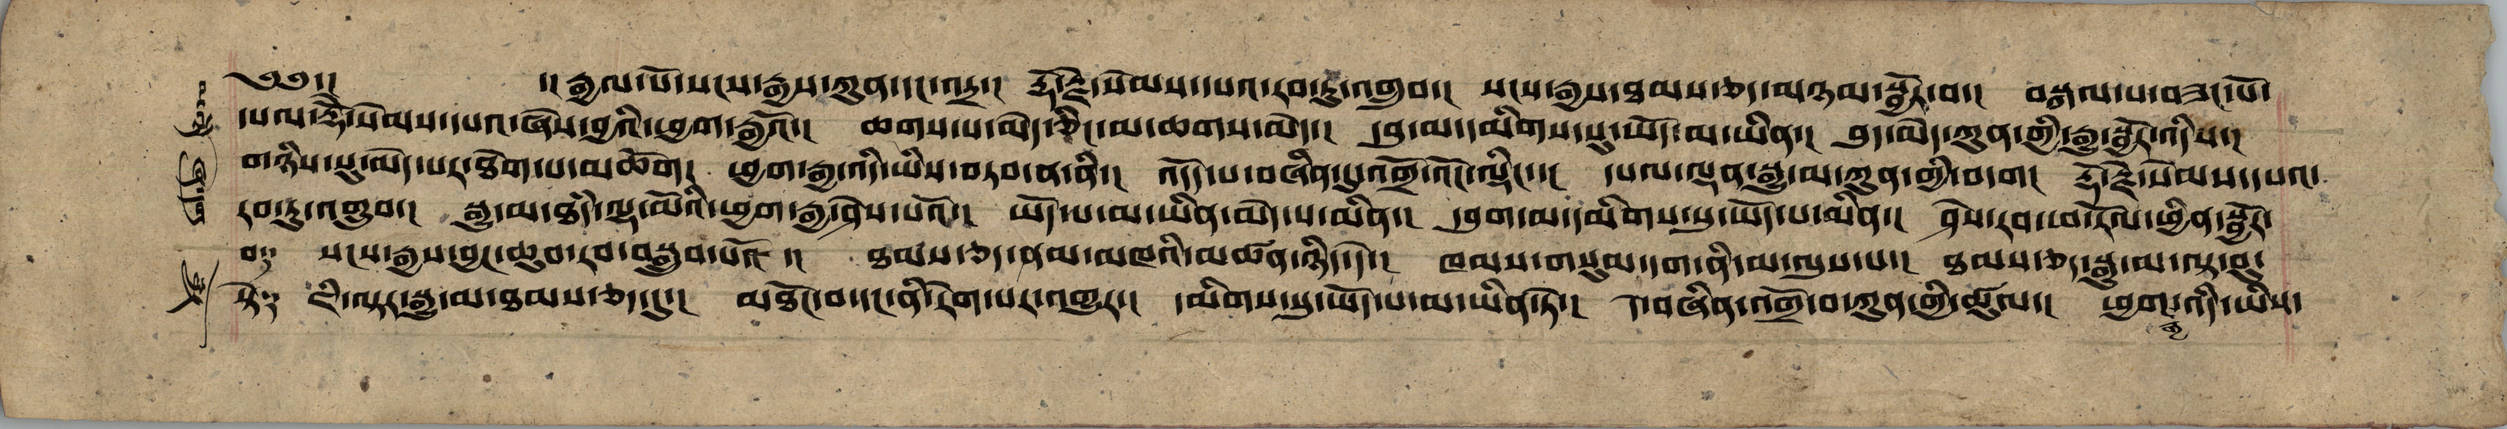༄༅་། ་།རྒྱལ་པོ་སངས་རྒྱས་ཀུན་དང་འདྲ་། རྡོ་རྗེ་སེམས་དཔའ་རབ་ཏུ་འགྲུབ་། སངས་རྒྱས་ཐམས་ཅད་མཉམ་སྦྱོར་བ་། བསྐལ་པ་བཟང་པོ་
དཔལ་རྡོེ་སེམས་དཔའ་ཞེས་བྱའི་ཕྱག་རྒྱའོ་། ཆགས་པ་མེད་ཅིང་མ་ཆགས་མེད་། དབུ་མ་དམིགས་སུ་ཡོད་མ་ཡིན་། བུད་མེད་ཀུན་གྱི་རྒྱུ་སྦྱོར་འདིས་།
གཉིས་སུ་མཻད་པར་ཐེག་པ་མཆོག། ཕྱག་རྒྱ་འདི་ཡིས་བཏབ་ན་ནི་། འདོད་པ་བཞིན་དུ་འགྲོ་འོང་ལྡིང་་། དཔལ་ལྡན་སྒྱུ་མ་ཀུན་གྱི་བདག། རྡོ་རྗེ་སེམས་དཔའ
རབ་ཏུ་འགྲུབ་། སྒྱུ་མ་ཐཾད་ལྷ་མོའི་ཕྱག་རྒྱ་ཤེས་པའོ་། ཡོད་པ་མ་ཡིན་མེད་པ་མིན་། དབུག་མ་དམིགས་སུ་ཡོད་པ་མིན་། ཤེས་རབ་ཕ་རོལ་ཕྱིན་སྦྱོར་
བ༑ སངས་རྒྱས་བྱང་ཆུབ་རབ་བསྒྲུབ་པའོ་། ཐམས་ཅད་ནམ་མཁའི་མཚན་ཉིད་དེ་། ཁམས་གསུམ་དག་ནི་མ་ལུས་པ་། ཐམས་ཅད་སྒྱུ་མ་ལྟ་བུ་
སྟེ༑ ཇི་ལྟར་སྒྱུ་མ་ཐམས་ཅད་དུ་། མཐོང་བ་དང་ནི་རིག་པར་འགྱུར་། དམིགས་སུ་ཡོད་པ་མ་ཡིན་ཏེ་། དེ་བཞིན་འགྲོ་བ་ཀུན་གྱི་ཚུལ་། ཕྱག་འདི་ཡིས་